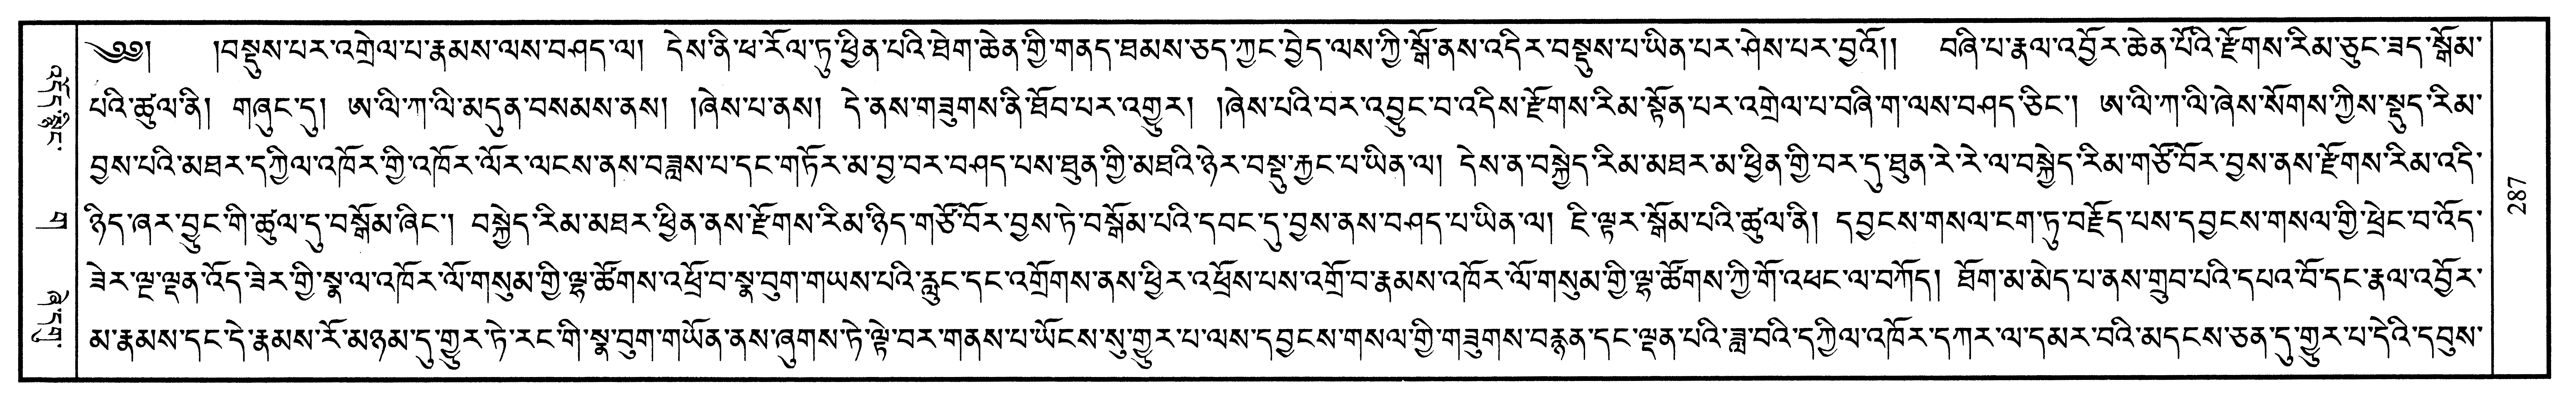༄༅། །བསྡུས་པར་འགྲེལ་པ་རྣམས་ལས་བཤད་ལ། དེས་ནི་ཕ་རོལ་ཏུ་ཕྱིན་པའི་ཐེག་ཆེན་གྱི་གནད་ཐམས་ཅད་ཀྱང་བྱེད་ལས་ཀྱི་སྒོ་ནས་འདིར་བསྡུས་པ་ཡིན་པར་ཤེས་པར་བྱའོ།། བཞི་པ་རྣལ་འབྱོར་ཆེན་པོའི་རྫོགས་རིམ་ཅུང་ཟད་སྒོམ་
པའི་ཚུལ་ནི། གཞུང་དུ། ཨ་ལི་ཀ་ལི་མདུན་བསམས་ནས། །ཞེས་པ་ནས། དེ་ནས་གཟུགས་ནི་ཐོབ་པར་འགྱུར། །ཞེས་པའི་བར་འབྱུང་བ་འདིས་རྫོགས་རིམ་སྟོན་པར་འགྲེལ་པ་བཞི་ག་ལས་བཤད་ཅིང་། ཨ་ལི་ཀ་ལི་ཞེས་སོགས་ཀྱིས་སྡུད་རིམ་
བྱས་པའི་མཐར་དཀྱིལ་འཁོར་གྱི་འཁོར་ལོར་ལངས་ནས་བཟླས་པ་དང་གཏོར་མ་བྱ་བར་བཤད་པས་ཐུན་གྱི་མཐའི་ཉེར་བསྡུ་རྐྱང་པ་ཡིན་ལ། དེས་ན་བསྐྱེད་རིམ་མཐར་མ་ཕྱིན་གྱི་བར་དུ་ཐུན་རེ་རེ་ལ་བསྐྱེད་རིམ་གཙོ་བོར་བྱས་ནས་རྫོགས་རིམ་འདི་
ཉིད་ཞར་བྱུང་གི་ཚུལ་དུ་བསྒོམ་ཞིང་། བསྐྱེད་རིམ་མཐར་ཕྱིན་ནས་རྫོགས་རིམ་ཉིད་གཙོ་བོར་བྱས་ཏེ་བསྒོམ་པའི་དབང་དུ་བྱས་ནས་བཤད་པ་ཡིན་ལ། ཇི་ལྟར་སྒོམ་པའི་ཚུལ་ནི། དབྱངས་གསལ་ངག་ཏུ་བརྗོད་པས་དབྱངས་གསལ་གྱི་ཕྲེང་བ་འོད་
ཟེར་ལྔ་ལྡན་འོད་ཟེར་གྱི་སྣ་ལ་འཁོར་ལོ་གསུམ་གྱི་ལྷ་ཚོགས་འཕྲོ་བ་སྣ་བུག་གཡས་པའི་རླུང་དང་འགྲོགས་ནས་ཕྱིར་འཕྲོས་པས་འགྲོ་བ་རྣམས་འཁོར་ལོ་གསུམ་གྱི་ལྷ་ཚོགས་ཀྱི་གོ་འཕང་ལ་བཀོད། ཐོག་མ་མེད་པ་ནས་གྲུབ་པའི་དཔའ་བོ་དང་རྣལ་འབྱོར་
མ་རྣམས་དང་དེ་རྣམས་རོ་མཉམ་དུ་གྱུར་ཏེ་རང་གི་སྣ་བུག་གཡོན་ནས་ཞུགས་ཏེ་ལྟེ་བར་གནས་པ་ཡོངས་སུ་གྱུར་པ་ལས་དབྱངས་གསལ་གྱི་གཟུགས་བརྙན་དང་ལྡན་པའི་ཟླ་བའི་དཀྱིལ་འཁོར་དཀར་ལ་དམར་བའི་མདངས་ཅན་དུ་གྱུར་པ་དེའི་དབུས་